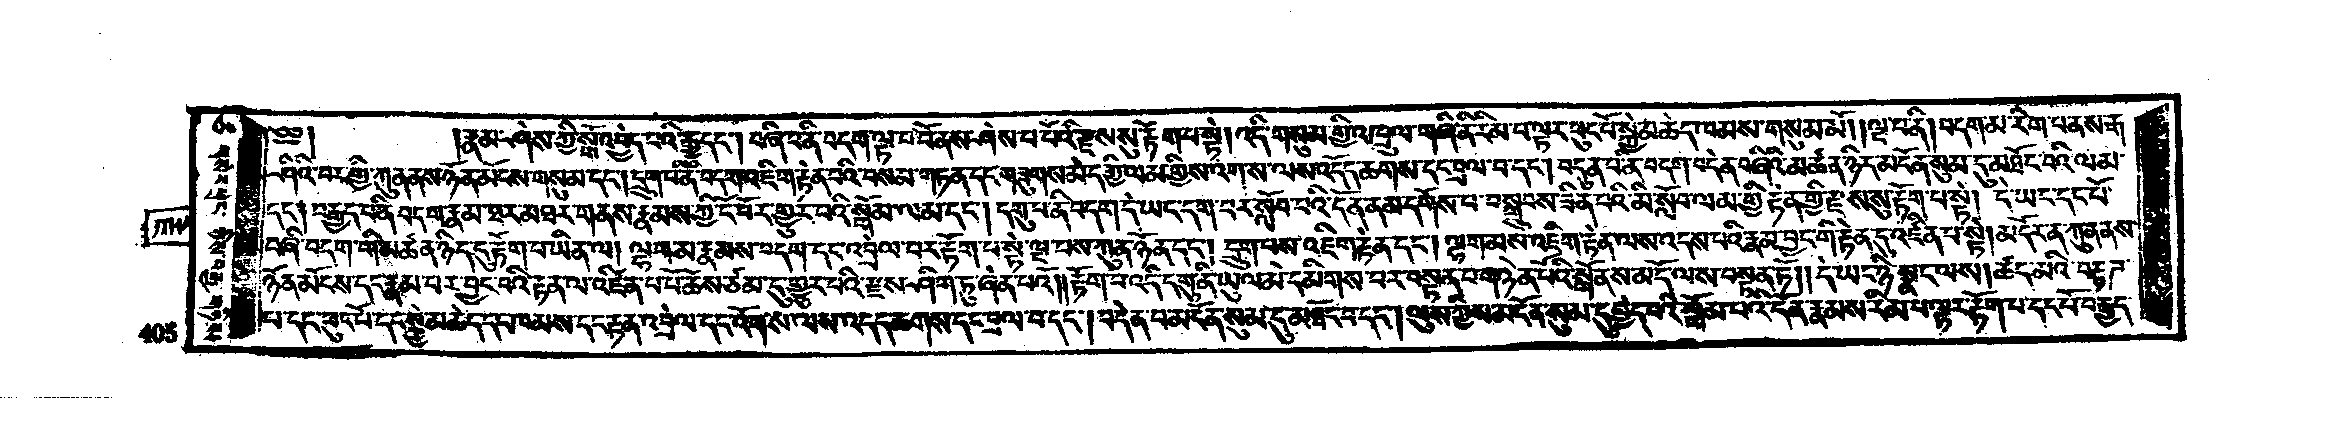༄༅། །རྣམ་ཤེས་ཀྱི་སྒོ་འབྱེད་པའི་རྒྱུ་དང་། བཞི་པ་ནི་བདག་ལྟ་བ་པོ་ནས་ཤེས་པ་པོའི་རྫས་སུ་རྟོག་པ་སྟེ། འདི་གསུམ་གྱི་འཁྲུལ་གཞི་ནི་རིམ་པ་ལྟར་ཕུང་པོ་སྐྱེ་མཆེད་ཁམས་གསུམ་མོ། །ལྔ་པ་ནི། བདག་མ་རིག་པ་ནས་རྒ་
ཤིའི་བར་གྱི་ཀུན་ནས་ཉོན་མོངས་གསུམ་དང་། དྲུག་པ་ནི་བདག་འཇིག་རྟེན་པའི་བསམ་གཏན་དང་གཟུགས་མེད་ཀྱི་ལམ་གྱིས་འོག་ས་ལས་འདོད་ཆགས་དང་བྲལ་བ་དང་། བདུན་པ་ནི་བདག་བདེན་བཞིའི་མཚན་ཉིད་མངོན་སུམ་དུ་མཐོང་བའི་ལམ་
དང་། བརྒྱད་པ་ནི་བདག་རྣམ་ཐར་མཐར་གནས་རྣམས་ཀྱི་ངོ་བོར་གྱུར་པའི་སྒོམ་ལམ་དང་། དགུ་པ་ནི་བདག་དེ་ཡང་དག་པར་སློབ་པའི་དོན་ནམ་དགོས་པ་བསྒྲུབས་ཟིན་པའི་མི་སློབ་ལམ་གྱི་རྟེན་གྱི་རྫས་སུ་རྟོག་པ་སྟེ། དེ་ཡང་དང་པོ་
བཞི་བདག་གི་མཚན་ཉིད་དུ་རྟོག་པ་ཡིན་ལ། ལྷག་མ་རྣམས་བདག་དང་འབྲེལ་པར་རྟོག་པ་སྟེ་ལྔ་པས་ཀུན་ཉོན་དང་། དྲུག་པས་འཇིག་རྟེན་དང་། ལྷག་མས་འཇིག་རྟེན་ལས་འདས་པའི་རྣམ་བྱང་གི་རྟེན་དུ་འཛིན་པ་སྟེ། མདོར་ན་ཀུན་ནས་
ཉོན་མོངས་དང་རྣམ་པར་བྱང་བའི་རྟན་ལ་འཛིན་པ་པོ་ཆོས་ཙམ་དུ་གྱུར་པའི་རྫས་ཤིག་ཏུ་ཞེན་པའོ། །རྟོག་པ་འདི་དགུ་ནི་ཡུལ་མི་དམིགས་པར་བསྟན་པ་གཉན་པོའི་སྒོ་ནས་མདོ་ལས་བསྟན་ཏོ། །དེ་ཡང་ཉི་སྣང་ལས། ཚད་མའི་བརྟགས་
པ་དང་ཕུང་པོ་དང་སྐྱེ་མཆེད་དང་ཁམས་དང་རྟེན་འབྲེལ་དང་འོགས་ལས་འདོད་ཆགས་དང་བྲལ་བ་དང་། བདེན་པ་མངོན་སུམ་དུ་མཐོང་བ་དང་། ལུས་ཀྱིས་མངོན་སུམ་དུ་བྱེད་པའི་སྒོམ་པའི་དོན་རྣམས་རིམ་པ་ལྟར་རྟོག་པ་དང་པོ་བརྒྱད་